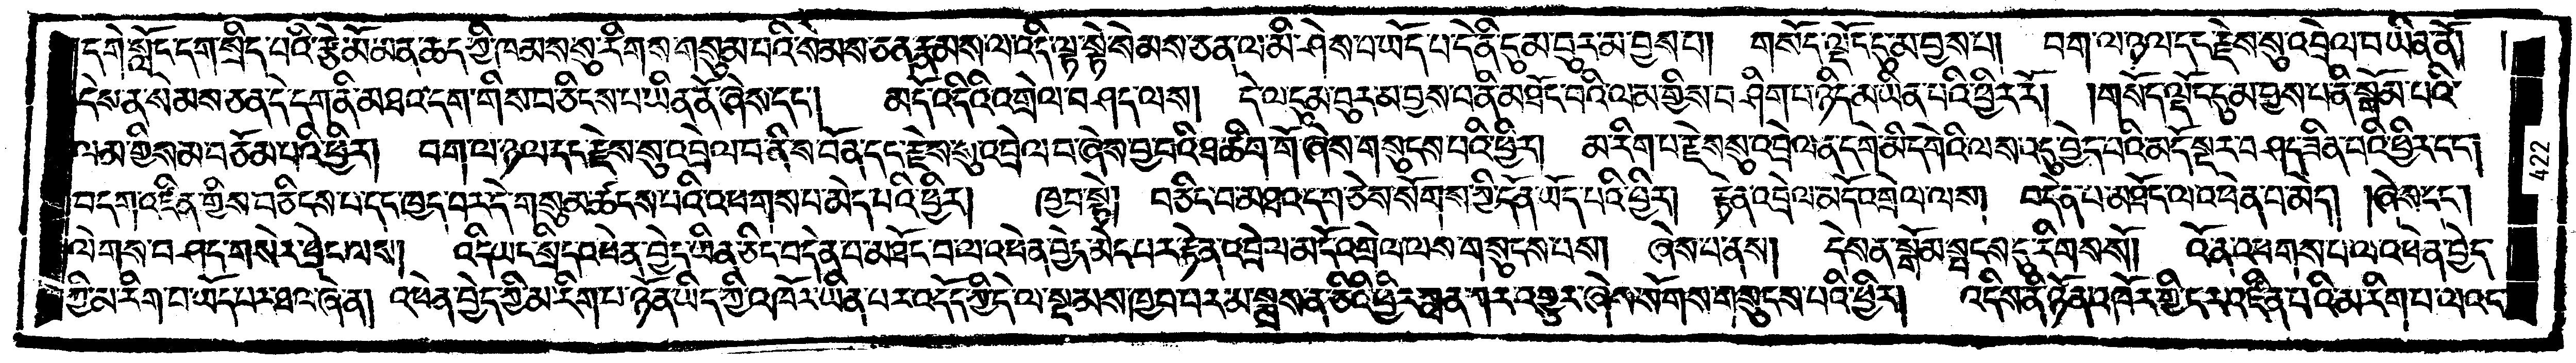དགེ་སློང་དག་སྲིད་པའི་རྩེ་མོ་མན་ཆད་ཀྱི་ཁམས་སུ་རིགས་གསུམ་པའི་སེམས་ཅན་རྣམས་ལ་འདི་ལྟ་སྟེ་སེམས་ཅན་ལ་མི་ཤེས་པ་ཡོད་པ་དེ་ནི་དུམ་བུར་མ་བྱས་པ། གསོད་ལྡོང་དུ་མ་བྱས་པ། བག་ལ་ཉལ་དང་རྗེས་སུ་འབྲེལ་བ་ཡིན་ནོ། །
དེས་ན་སེམས་ཅན་དེ་དག་ནི་མཐའ་དག་གིས་བཅིངས་པ་ཡིན་ནོ་ཞེས་དང་། མདོ་འདིའི་འགྲེལ་བཤད་ལས། དེ་ལ་དུམ་བུར་མ་བྱས་བ་ནི་མཐོང་བའི་ལམ་གྱིས་བཤིག་པ་ཉིད་མ་ཡིན་པའི་ཕྱིར་རོ། །གསོད་ལྡོང་དུ་མ་བྱས་པ་ནི་སྒོམ་པའི་
ལམ་གྱིས་མ་བཅོམ་པའི་ཕྱིར། བག་ལ་ཉལ་དང་རྗེས་སུ་འབྲེལ་བ་ནི་ས་བོན་དང་རྗེས་སུ་འབྲེལ་བ་ཞེས་བྱ་བའི་ཐ་ཚིག་གོ་ཞེས་གསུངས་པའི་ཕྱིར། མ་རིག་པ་རྗེས་སུ་འབྲེལ་ན་དགེ་མི་དགེའི་ལས་འདུ་བྱེད་པའི་མདོ་སྔར་བཤད་ཟིན་པའི་ཕྱིར་དང་།
བདག་འཛིན་གྱིས་བཅིངས་པ་དང་ཁྱད་པར་དེ་གསུམ་ཚངས་པའི་འཕགས་པ་མེད་པའི་ཕྱིར། ཁྱབ་སྟེ། བཅིང་བ་མཐའ་དག་ཅེས་སོགས་ཀྱི་དོན་ཡོད་པའི་ཕྱིར། རྟེན་འབྲེལ་མདོ་འགྲེལ་ལས། བདེན་པ་མཐོང་ལ་འཕེན་པ་མེད། །ཞེས་དང་།
ལེགས་བཤད་གསེར་ཕྲེང་ལས། འདི་ཡང་སྲིད་འཕེན་བྱེད་ཡིན་ཅིང་བདེན་པ་མཐོང་བ་ལ་འཕེན་བྱེད་མེད་པར་རྟེན་འབྲེལ་མདོ་འགྲེལ་ལས་གསུངས་པས། ཞེས་པ་ནས། དེས་ན་སྒོམ་སྤངས་དུ་རིགས་སོ། འོ་ན་འཕགས་པ་ལ་འཕེན་བྱེད་
ཀྱི་མ་རིག་པ་ཡོད་པར་ཐལ་ཞེ་ན། འཕེན་བྱེད་ཀྱི་མ་རིག་པ་ཉོན་ཡིད་ཀྱི་འཁོར་ཡིན་པར་འདོད་ཀྱི་དེ་ལ་སྡམས་ཁྱབ་པར་མ་སྨྲས་ན་ཅིའི་ཕྱིར་ཀླན་ཀར་འགྱུར་ཞེས་སོགས་གསུངས་པའི་ཕྱིར། འདིས་ནི་ཉོན་འཁོར་གྱི་ངར་འཛིན་པའི་མ་རིག་པ་ལའང་